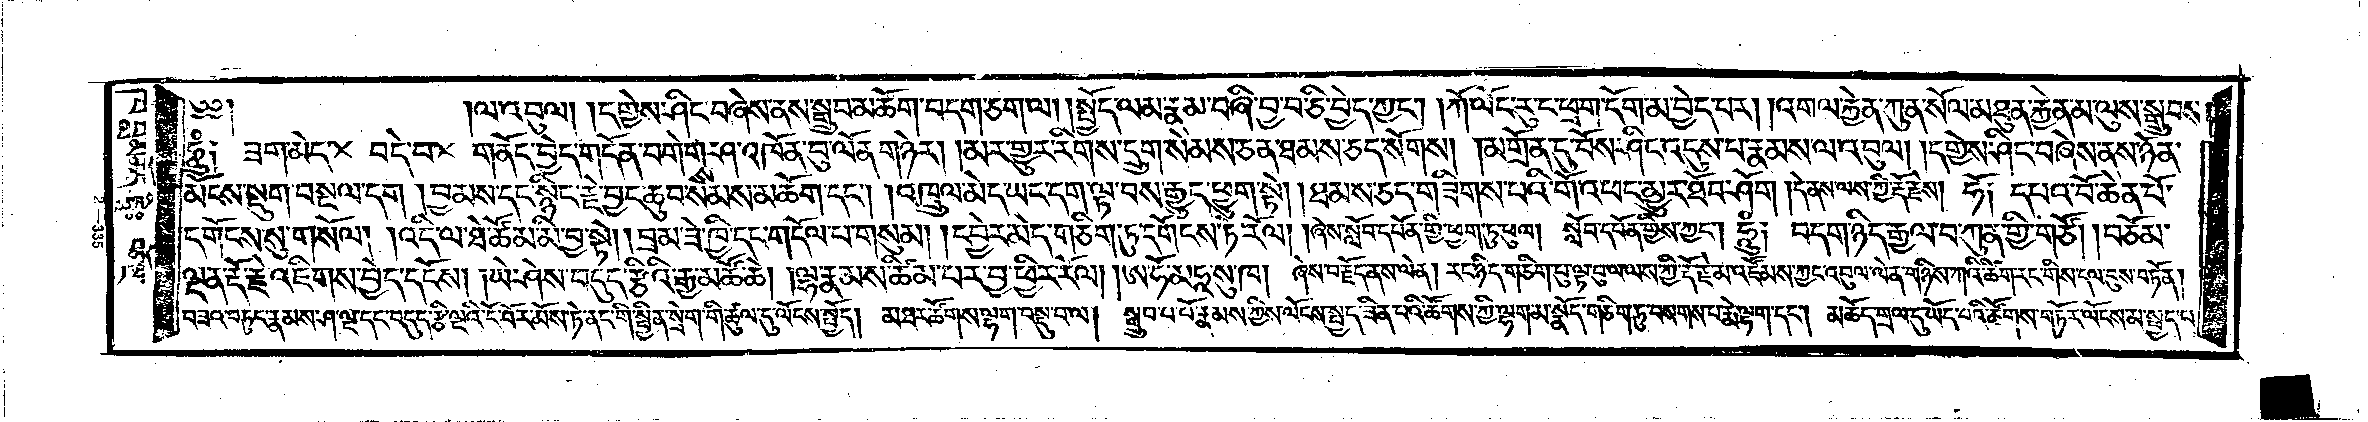༄༅། །ལ་འབུལ། །དགྱེས་ཤིང་བཞེས་ནས་སྒྲུབ་མཆོག་བདག་ཅག་ལ། །སྤྱོད་ལམ་རྣམ་བཞི་བྱ་བ་ཅི་བྱེད་ཀྱང་། །ཀོ་ལོང་རུང་ཕྲག་དོག་མ་བྱེད་པར། །འགལ་རྐྱེན་ཀུན་སོལ་མཐུན་རྐྱེན་མ་ལུས་སྒྲུབས་
ཧཱུཾ༑ ཟག་མེད྾་བདེ་བ྾་གནོད་བྱེད་གདོན་བགེགས་ཤ་འཁོན་བུ་ལོན་གཉེར། །མར་གྱུར་རིགས་དྲུག་སེམས་ཅན་ཐམས་ཅད་སོགས། །མགྲོན་དུ་བོས་ཤིང་འདུས་པ་རྣམས་ལ་འབུལ། །དགྱེས་ཤིང་བཞེས་ནས་ཉོན་
མོངས་སྡུག་བསྔལ་དག །བྱམས་དང་སྙིང་རྗེ་བྱང་ཆུབ་སེམས་མཆོག་དང་། །འཁྲུལ་མེད་ཡང་དག་ལྟ་བས་རྒྱུད་ཕྱུག་སྟེ། །ཐམས་ཅད་གཟིགས་པའི་གོ་འཕང་མྱུར་ཐོབ་ཤོག་།དེ་ནས་ལས་ཀྱི་རྡོ་རྗེས།  ཧོ༑ དཔའ་བོ་ཆེན་པོ་
དགོངས་སུ་གསོལ། །འདི་ལ་ཐེ་ཚོམ་མི་བྱ་སྟེ། །བྲམ་ཟེ་ཁྱི་དང་གདོལ་པ་གསུམ། །དབྱེར་མེད་གཅིག་ཏུ་དགོངས་ཏེ་རོལ། །ཞེས་སློབ་དཔོན་གྱི་ཕྱག་ཏུ་ཕུལ། སློབ་དཔོན་གྱིས་ཀྱང་།  ཧཱུཾ༑ བདག་ཉིད་རྒྱལ་བ་ཀུན་གྱི་གཙོ། །བཅོམ་
ལྡན་རྡོ་རྗེ་འཇིགས་བྱེད་དངོས། །ཡེ་ཤེས་བདུད་རྩིའི་རྒྱ་མཚོ་ཆེ། །ལྷ་རྣམས་ཚིམ་པར་བྱ་ཕྱིར་རོལ། །ཨ་ཧོ་མཧཱ་སུ་ཁ། ཞེས་བརྗོད་ནས་ལེན། རང་ཉིད་གཅིག་པུ་ལྟ་བུ་ལ་ལས་ཀྱི་རྡོ་རྗེ་མ་འཛོམས་ཀྱང་འབུལ་ལེན་གཉིས་ཀའི་ཚིག་རང་གིས་དལ་བུས་བཏོན།
བཟའ་བཏུང་རྣམས་ཤ་ལྔ་དང་བདུད་རྩི་ལྔའི་ངོ་བོར་མོས་ཏེ་ནང་གི་སྦྱིན་སྲེག་གི་ཚུལ་དུ་ལོངས་སྤྱོད། མཐར་ཚོགས་ལྷག་བསྡུ་བ་ལ། སྒྲུབ་པ་པོ་རྣམས་ཀྱིས་ལོངས་སྤྱད་ཟིན་པའི་ཚོགས་ཀྱི་ལྷག་མ་སྣོད་གཅིག་ཏུ་བསགས་པ་རྨེ་ལྷག་དང་། མཆོད་གྲལ་དུ་ཡོད་པའི་ཚོགས་གཏོར་ལོངས་མ་སྤྱད་པ་